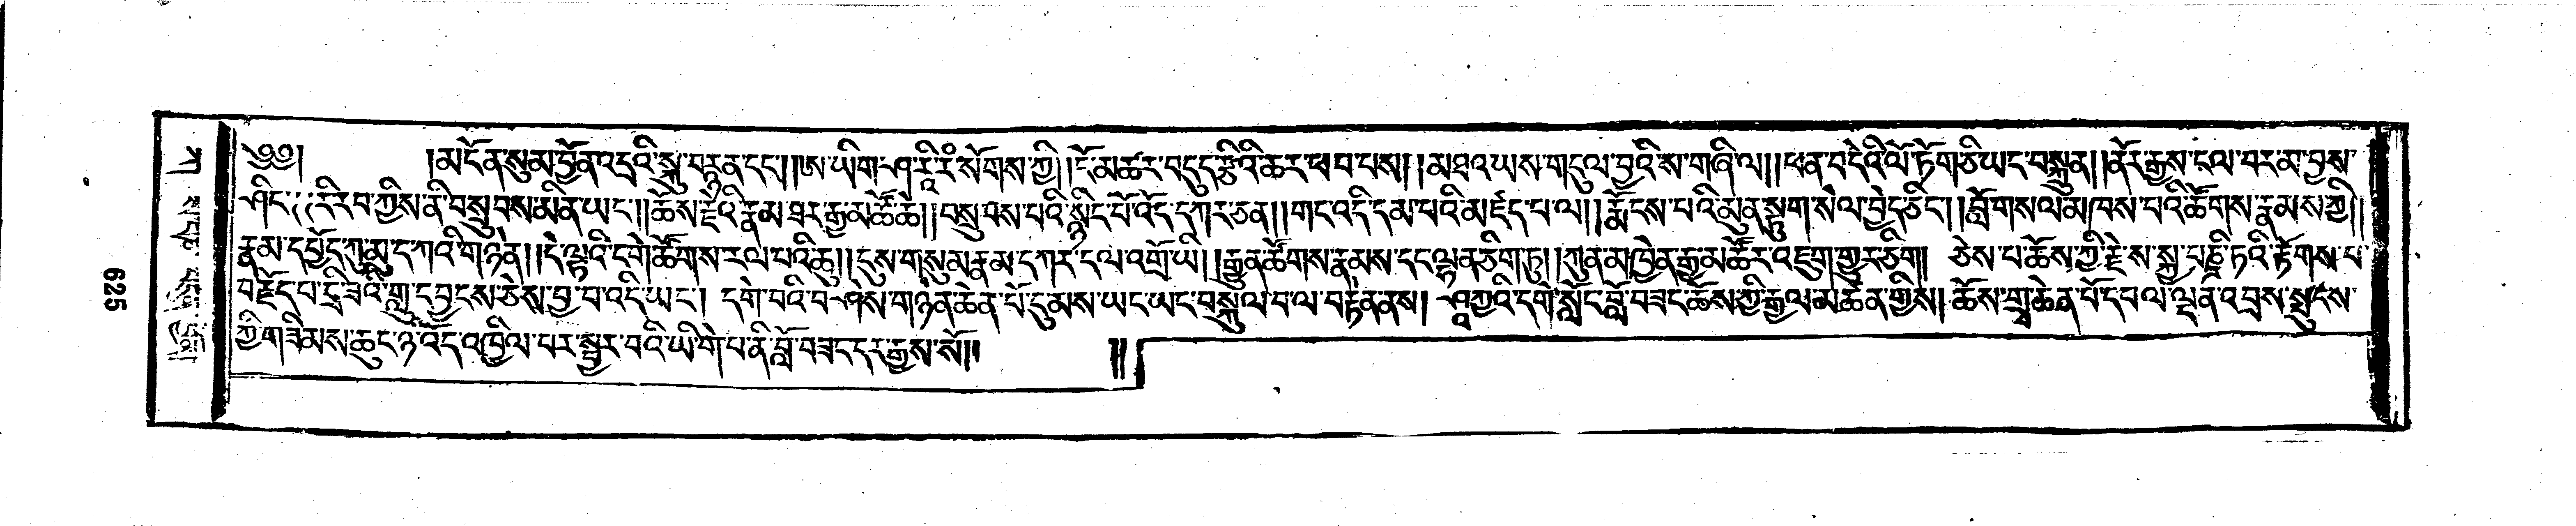༄༅། །མངོན་སུམ་བྱོན་འདྲའི་སྐུ་བརྙན་དང་། །ཨ་ཡིག་ཤ་རཱི་རཾ་སོགས་ཀྱི། །ངོ་མཚར་བདུད་རྩིའི་ཆར་ཕབ་པས། །མཐའ་ཡས་གདུལ་བྱའི་ས་གཞི་ལ། །ཕན་བདེའི་ལོ་ཏོག་ཅི་ཡང་བསྐྲུན། །ནོར་རྒྱས་ངལ་བར་མ་བྱས་
ཤིང༑ ༑རི་རབ་ཀྱིས་ནི་བསྲུབས་མིན་ཡང་། །ཆོས་རྗེའི་རྣམ་ཐར་རྒྱ་མཚོ་ཆེ། །བསྲུབས་པའི་སྙིང་པོ་འོད་དཀར་ཅན། །གང་འདི་དམ་པའི་མཛད་པ་ལ། །རྨོངས་པའི་མུན་སྟུག་སེལ་བྱེད་ཅིང་། །བློ་གསལ་མཁས་པའི་ཚོགས་རྣམས་ཀྱི། །
རྣམ་དཔྱོད་ཀུ་མུ་ད་ཀའི་གཉེན། །དེ་ལྟའི་དགེ་ཚོགས་རལ་པའི་ཆུ། །དུས་གསུམ་རྣམ་དཀར་དལ་འགྲོ་ཡི། །རྒྱུན་ཚོགས་རྣམས་དང་ལྷན་ཅིག་ཏུ། །ཀུན་མཁྱེན་རྒྱ་མཚོར་འཇུག་གྱུར་ཅིག །ཅེས་པ་ཆོས་ཀྱི་རྗེ་ས་སྐྱ་པཎྚི་ཏའི་རྟོགས་པ་
བརྗོད་པ་དྲི་ཟའི་གླུ་དབྱངས་ཅེས་བྱ་བ་འདི་ཡང་། དགེ་བའི་བཤེས་གཉེན་ཆེན་པོ་དུ་མས་ཡང་ཡང་བསྐུལ་བ་ལ་བརྟེན་ནས། ཤཱཀྱའི་དགེ་སློང་བློ་བཟང་ཆོས་ཀྱི་རྒྱལ་མཚན་གྱིས། ཆོས་གྲྭ་ཆེན་པོ་དཔལ་ལྡན་འབྲས་སྤུངས་
ཀྱི་གཟིམས་ཆུང་ཉི་འོད་འཁྱིལ་བར་སྦྱར་བའི་ཡི་གེ་པ་ནི་བློ་བཟང་དར་རྒྱས་སོ།། །།